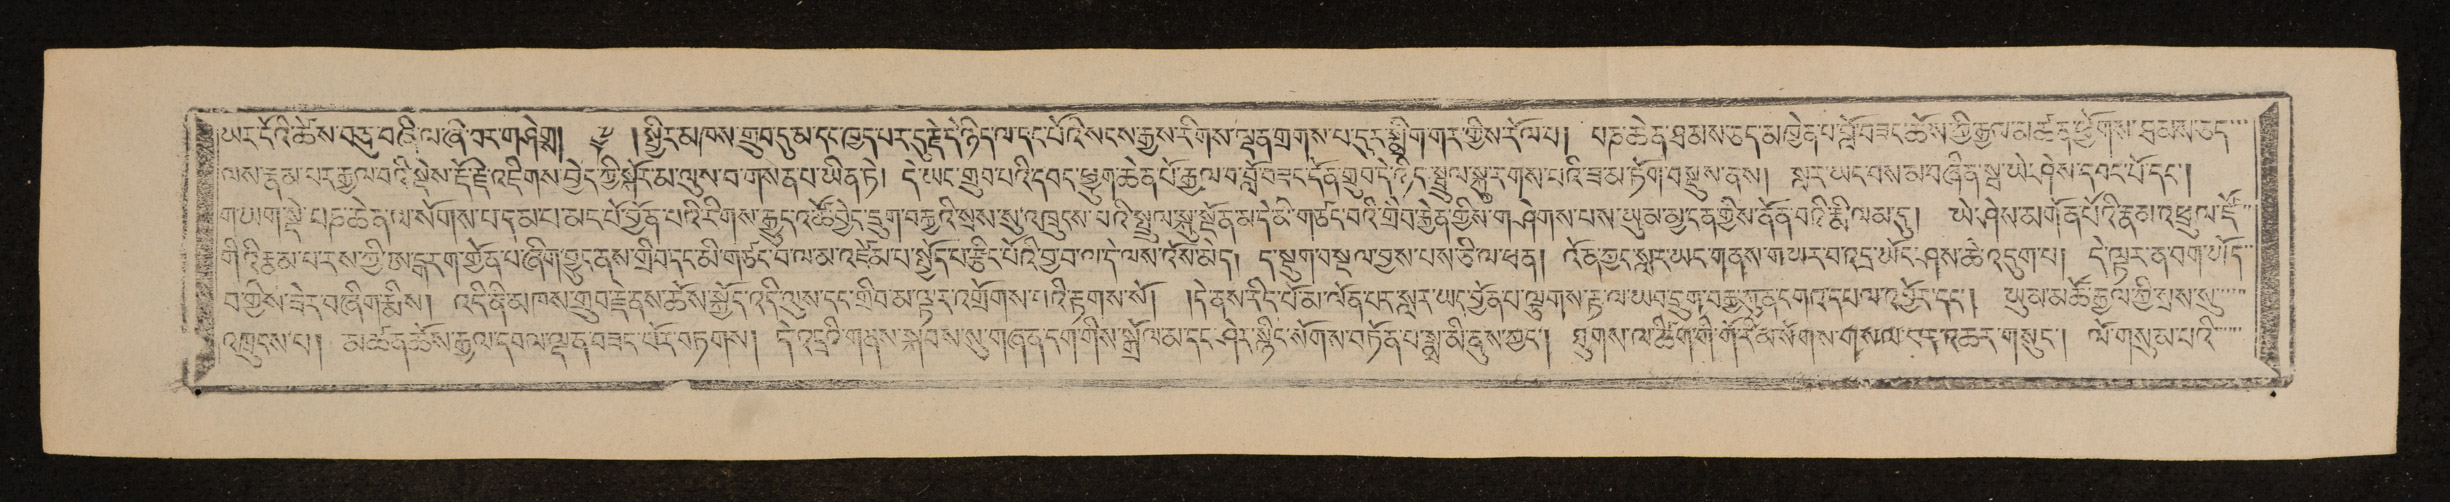ཡར་རེའི་ཚེས་བཅུ་བཞི་ལ་ཞི་བར་གཤེགས། ༈ །སྤྱིར་མཁས་གྲུབ་དུ་མ་དང་ཁྱད་པར་དུ་རྗེ་དེ་ཉིད་ལ་དང་པོའི་སངས་རྒྱས་རིགས་ལྡན་གྲགས་པ་དུར་སྨྲིག་གར་གྱིས་རོལ་པ། པཎ་ཆེན་ཐམས་ཅད་མཁྱེན་པ་བློ་བཟང་ཆོས་ཀྱི་རྒྱལ་མཚན་ཕྱོགས་ཐམས་ཅད་
ལས་རྣམ་པར་རྒྱལ་བའི་སྡེས་རྡོ་རྗེ་འཇིགས་བྱེད་ཀྱི་སྐོར་མ་ལུས་པ་གསན་པ་ཡིན་ཏེ། དེ་ཡང་གྲུབ་པའི་དབང་ཕྱུག་ཆེན་པོ་རྒྱལ་བ་བློ་བཟང་དོན་གྲུབ་དེ་ཉིད་སྤྲུལ་སྐུ་རགས་པའི་ཟ་མ་ཏོག་བསྡུས་ནས། སླར་ཡང་བསམ་བཞིན་སྦ་ཡེ་ཤེས་དབང་པོ་དང་།
གཡག་སྡེ་པཎ་ཆེན་ལ་སོགས་པ་དམ་པ་མང་པོ་བྱོན་པའི་རིགས་རྒྱུད་འཚོ་བྱེད་དྲུག་བརྒྱའི་སྲས་སུ་འཁྲུངས་པའི་སྤྲུལ་སྐུ་སྔོན་མ་དེ་མི་གཙང་བའི་གྲིབ་རྐྱེན་གྱིས་གཤེགས་པས་ཡུམ་མྱ་ངན་གྱིས་ནོན་པའི་རྨི་ལམ་དུ། ཡེ་ཤེས་མགོན་པོའི་རྣམ་འཕྲུལ་ཛོ་
གིའི་རྣམ་པ་རས་ཀྱི་ཨངྒ་རག་གྱོན་པ་ཞིག་བྱུང་ནས་གྲིབ་དང་མི་གཙང་བ་ལ་མ་འཛེམ་པ་སྤྱོད་པ་རྩིང་པོའི་བྱ་བ་ལ་དེ་ལས་འོས་མེད། ད་སྡུག་བསྔལ་བྱས་པས་ཅི་ལ་ཕན། འོན་ཀྱང་སླར་ཡང་གནས་གཡར་བ་འདྲ་ཡོང་ཤེས་ཆེ་འདུག་པ། དེ་ལྟར་ན་བག་ཡོད་
པ་གྱིས་ཟེར་བ་ཞིག་རྨིས། འདི་ནི་མཁས་གྲུབ་རྗེ་ནས་ཆོས་སྐྱོང་འདི་ལུས་དང་གྲིབ་མ་ལྟར་འགྲོགས་པའི་རྟགས་སོ། །དེ་ནས་རིང་པོ་མ་ལོན་པར་སླར་ཡང་བྱོན་པ་ལྕགས་རྟ་ལ་ཡབ་དྲུག་བརྒྱ་ཀུན་དགའ་དཔལ་འབྱོར་དང་། ཡུམ་མཚོ་རྒྱལ་གྱི་སྲས་སུ་
འཁྲུངས་པ། མཚན་ཆོས་རྒྱལ་དཔལ་ལྡན་བཟང་པོར་བཏགས། དེ་འདྲའི་གནས་སྐབས་སུ་གཞན་དག་གིས་སྒྲོལ་མ་དང་ཤེར་སྙིང་སོགས་བཏོན་པ་སྨྲ་མི་ནུས་ཀྱང་། ཐུགས་ལ་ཚིག་གི་གོ་རིམ་སོགས་གསལ་བར་འཆར་གསུང་། ལོ་གསུམ་པའི་